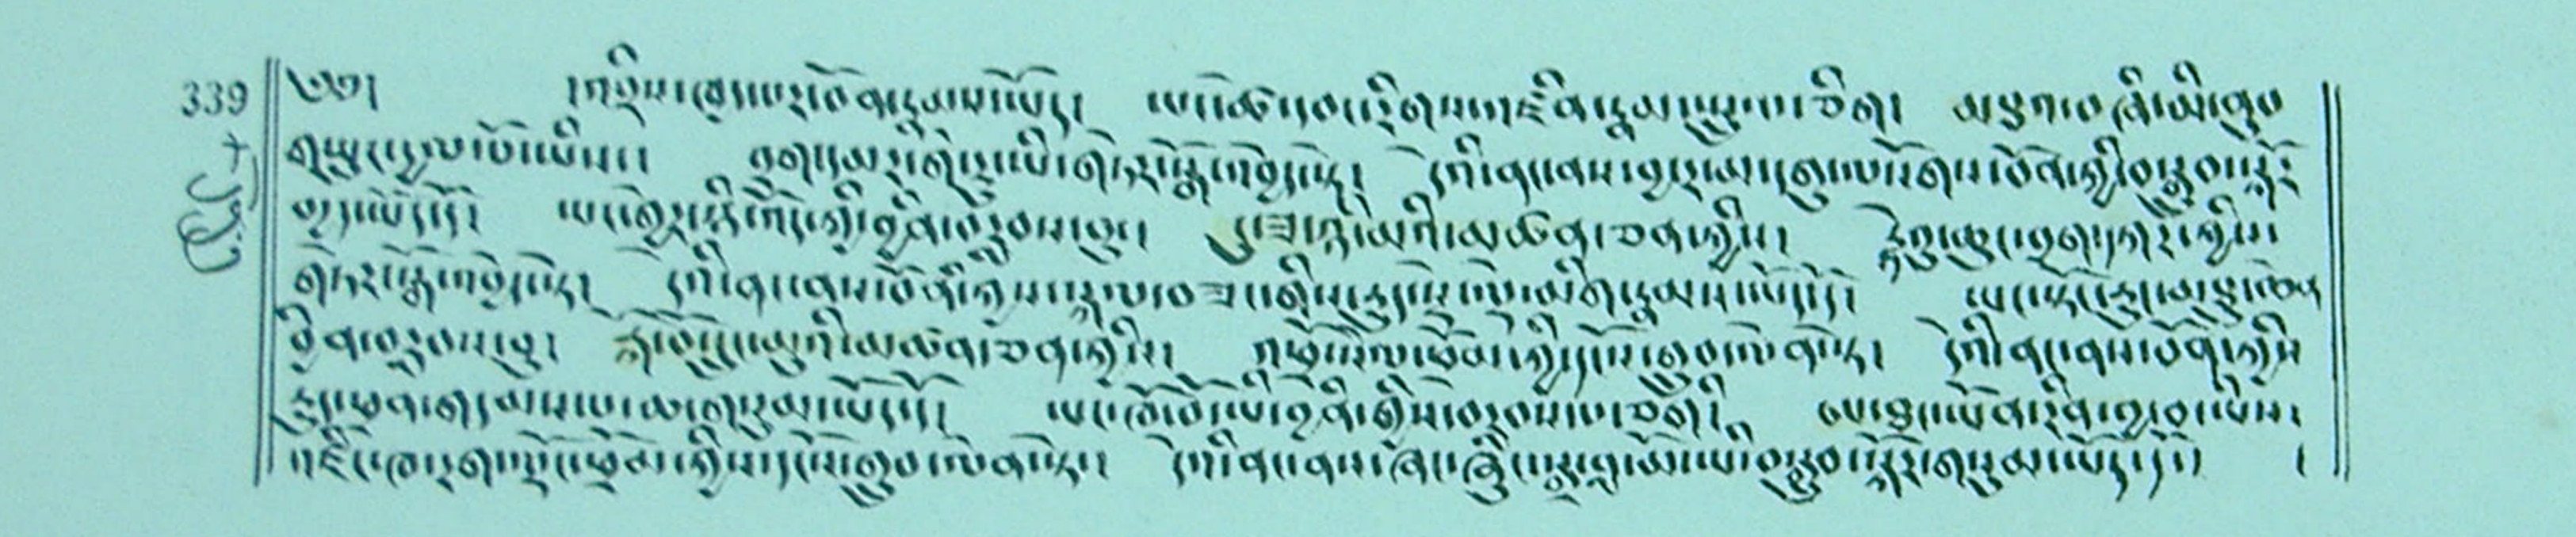༄༅། །འབྲིས་ཁྱད་པར་བོན་རྣམས་ཡོད། ཡང་ཚེ་དབང་རིགས་འཛིན་རྣམ་སྤྲུལ་ཅིག མཐའ་བཞི་མི་ནུབ་
གཡུང་དྲུང་རྒྱལ་བོ་ཡིས། བྲག་དམར་ཀེ་རུ་ཡི་གཏེར་སྒོ་འབྱེད་དེ། དེའི་ནང་ནས་བྱ་ར་མ་དགུ་ལས་སོགས་བོན་གྱི་བསྒྲུབ་སྐོར་
བརྒྱད་ཡོད་དོ། །ཡང་གྱེར་མི་ཉི་འོད་བྱིན་རླབས་སུ། ངུ་ཟི་ཉི་མའི་མཚན་ཅན་གྱིས། རྟེའུ་ཆུང་བྲག་དཀར་གཏེར་སྒོ་
འབྱེད་དེ། དེའི་ནང་ནས་བོན་གྱི་སྐལ་བཟང་གི་རྒྱུད་སྡེ་ལྡེ་མིག་རྣམས་ཡོད། ཡང་སྟོང་རྒྱུང་མཐུ་ཆེན་
བྱིན་རླབས་བུ། རྐོ་་དྲུང་མུའི་མཚན་ཅན་གྱིས། འཕྲོ་སེལ་ཕྲོམ་གྱི་དངོས་གྲུབ་ལེན་ཏེ། དེའི་ནང་ནས་བོན་གྱི་
རྒྱུད་ཕྲན་གདམས་པ་ཆ་གསུམ་ཡོད་དོ། །ཡང་ཁོ་བོ་བྱིན་གྱིས་རླབས་པ་ཅིག ཨ་ཐང་ཡོན་རིན་བྱ་བ་ཡིས། 
འཛིང་ཁ་རག་ལྡོང་ཕྲོམ་གྱི་དངོས་གྲུབ་ལེན། དེའི་ནང་ནས་ཞང་ཞུང་སྒྲ་བླ་མོའི་བསྒྲུབ་སྐོར་གསུམ་ཡོད།